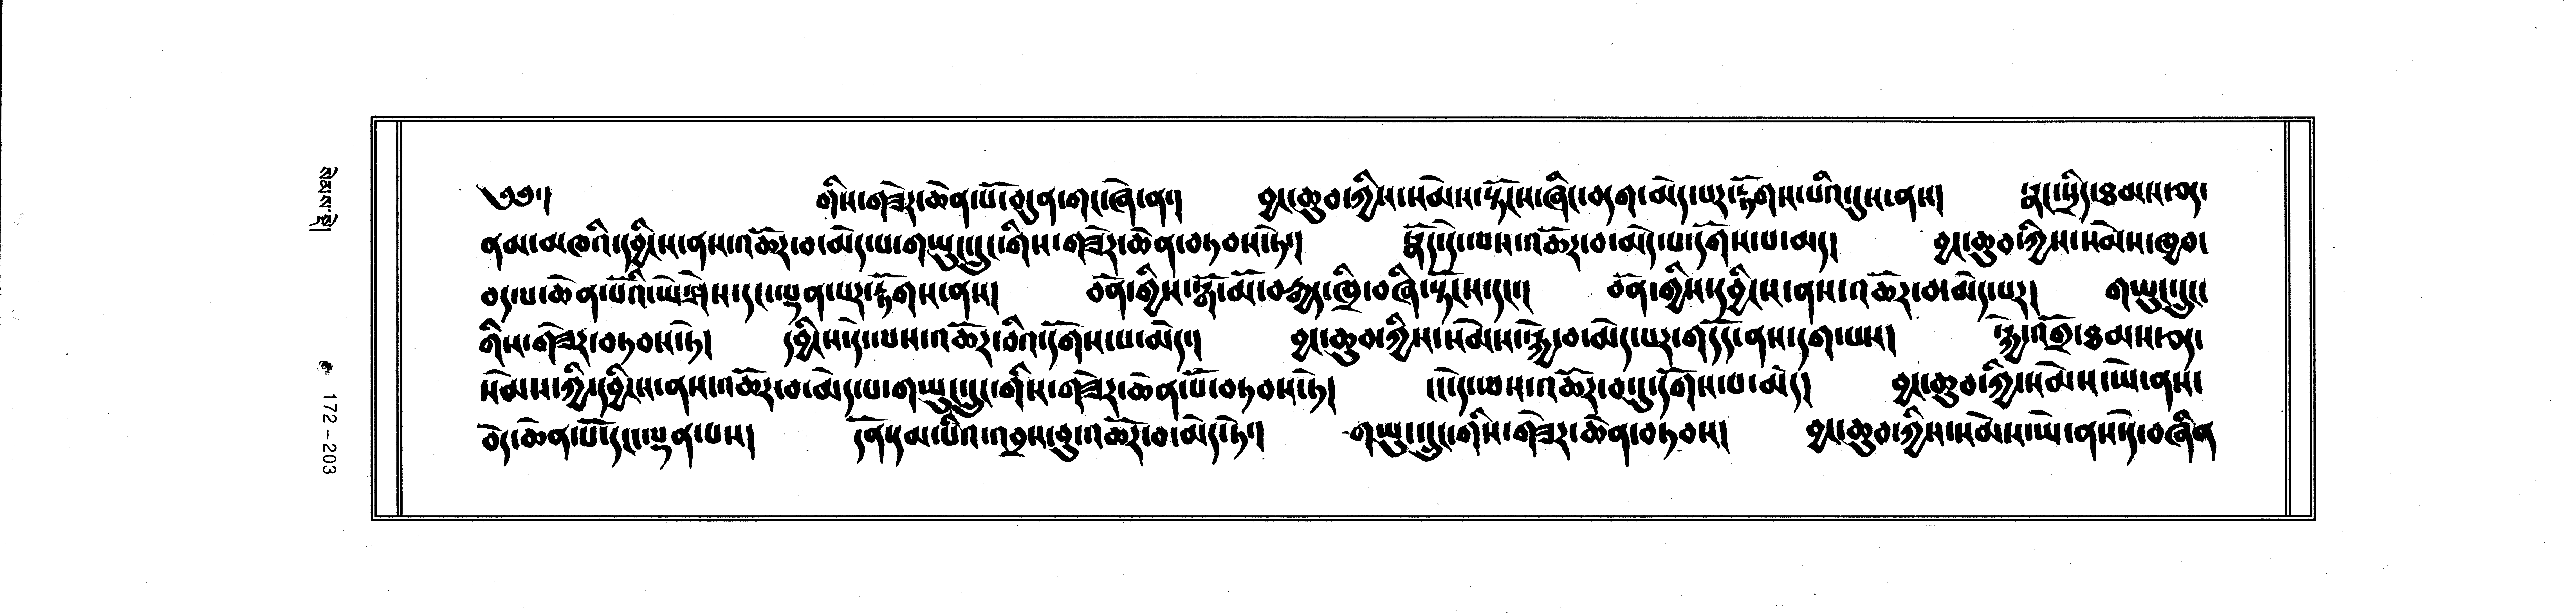གང་ཞེ་ན། བྱང་ཆུབ་ཀྱིས་སེམས་སྟོང་ཞིང་བདག་མེད་པར་རྟོགས་པའི་དུས་ནས། སྣང་སྲིད་ཐམས་ཅད་
ནམ་མཁའི་དབྱིངས་ནས་འཆོར་བ་མེད་པ་གཡུང་དྲུང་གིས་གཟེར་ཆེན་བཏབས་ཏེ། སྣོད་དེ་ལས་འཆོར་བ་མེད་པ་དོགས་པ་མེད། བྱང་ཆུབ་ཀྱིས་སེམས་ཁྱབ་
བདལ་ཆེན་པོའི་ཡེ་ཤེས་དང་ལྡན་པར་རྟོགས་ནས། བོན་གྱིས་སྒོ་མོ་བརྒྱད་ཁྲི་བཞི་སྟོང་དང་། བོན་གྱིས་དབྱིངས་ནས་འཆོར་བ་མེད་པར། གཡུང་དྲུང་
གིས་གཟེར་བཏབས་ཏེ། དབྱིངས་དེ་ལས་འཆོར་བའི་དོགས་པ་མེད། བྱང་ཆུབ་ཀྱིས་སེམས་སྐྱེ་བ་མེད་པར་གདོད་ནས་དག་པས། སྐྱེ་འགྲོ་ཐམས་ཅད་
སེམས་ཀྱི་དབྱིངས་ནས་འཆོར་བ་མེད་པ་གཡུང་དྲུང་གིས་གཟེར་ཆེན་པོ་བཏབས་ཏེ། ངང་དེ་ལས་འཆོར་བ་དུ་དོགས་པ་མེད། བྱང་ཆུབ་ཀྱིས་སེམས་ཡེ་ནས་
བདེ་བ་ཆེན་པོ་དང་ལྡན་པས། དོན་དམ་པའི་འབྲས་བུ་འཆོར་བ་མེད་ཏེ། གཡུང་དྲུང་གིས་གཟེར་ཆེན་བཏབས། བྱང་ཆུབ་ཀྱིས་སེམས་ཡེ་ནས་དེ་བཞིན་